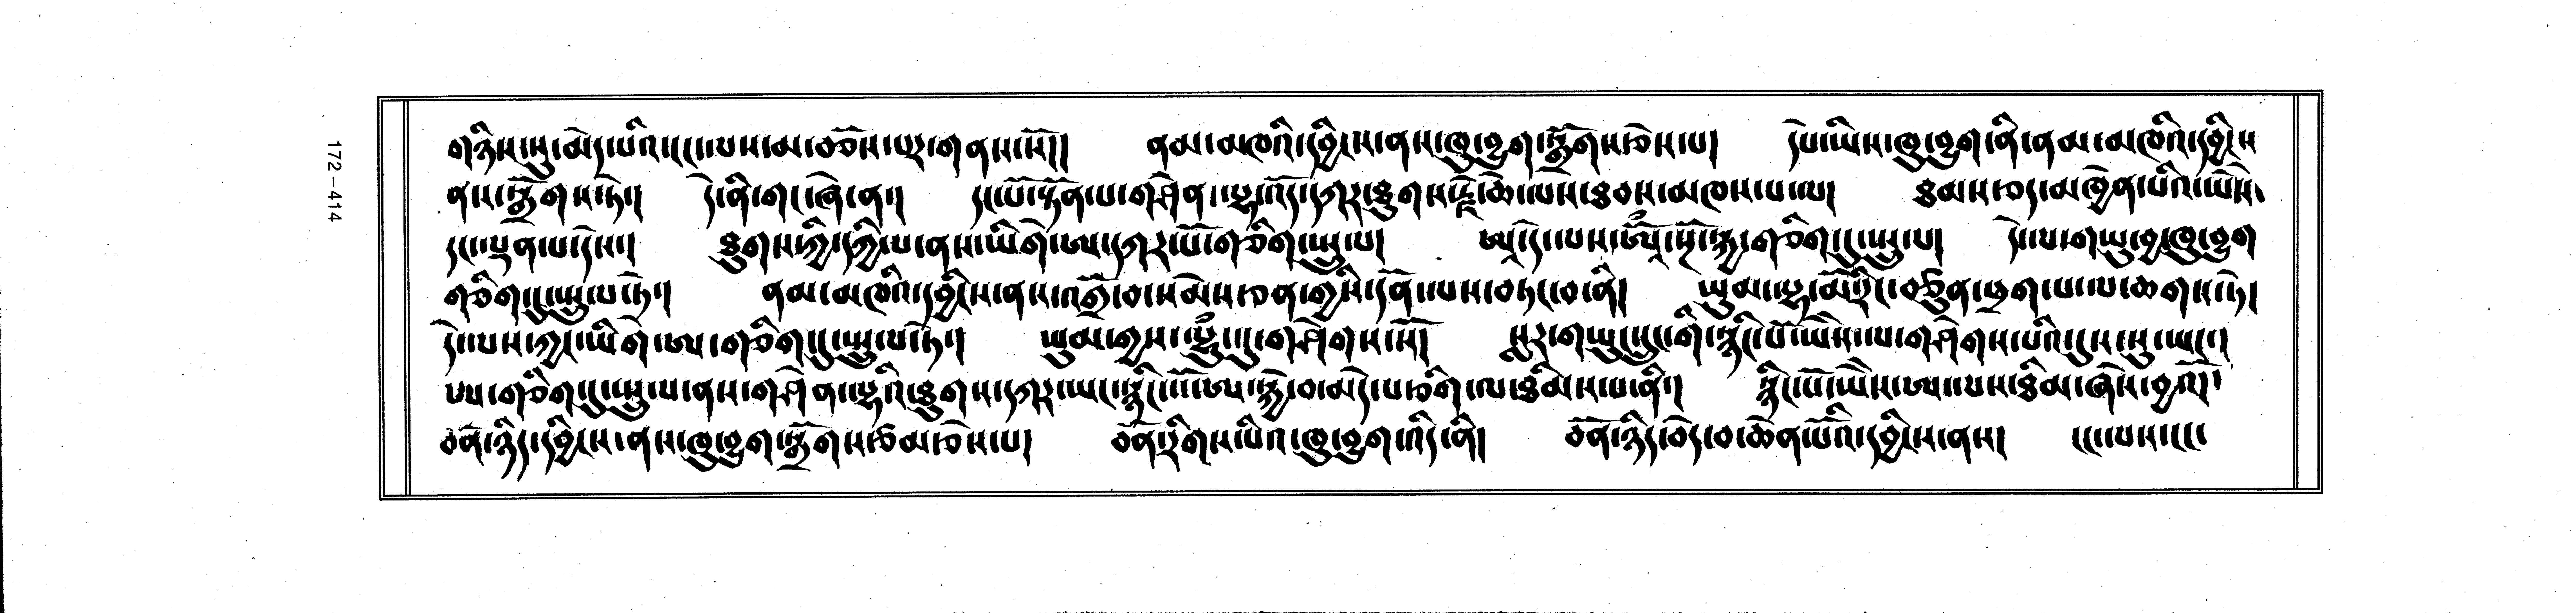གཉིས་སུ་མེད་པའི་ངང་ལས་མ་བཅོས་པར་གནས་སོ། ནམ་མཁའི་དབྱིངས་ནས་ཁུ་བྱུག་སྒྲོགས་ཅེས་པ། དཔེ་ཡིས་ཁུ་བྱུག་ནི་ནམ་མཁའི་དབྱིངས་
ནས་གྲོགས་ཏེ། དེ་ནི་གང་ཞེ་ན། དང་པོ་སྟོན་པ་གཤེན་ལྷ་འོད་དཀར་ཐུགས་རྗེ་ཆེ་ལས་ཐབས་མཁས་པ་ལ། ཐམས་ཅད་མཁྱེན་པའི་ཡེ་ཤེས་
དང་ལྡན་པ་དེས། ཐུགས་ཀྱི་དཀྱིལ་ནས་ཡི་གེ་ཨ་དཀར་པོ་གཅིག་སྤྲུལ། ཨཱ་དེ་ལས་ཨཱོྃ་སྔོ་སྐྱ་གཅིག་དུ་སྤྲུལ། དེ་ལ་གཡུ་བྱ་ཁུ་བྱུག་
གཅིག་དུ་སྤྲུལ་ཏེ། ནམ་མཁའི་དབྱིངས་ནས་འགྲོ་བ་སེམས་ཅན་གྱིས་དོན་ལས་བཏང་བ་ནི། ཡུམ་ལྷ་མོ་རིང་བཙུན་ཕྲག་པ་ལ་ཆགས་ཏེ། 
དེ་ལས་ཀྱང་ཡི་གེ་ཨ་གཅིག་དུ་སྤྲུལ་ཏེ། ཡུམ་གྱིས་ལྷུམ་དུ་གཤེགས་སོ། སླར་གཡུང་དྲུང་གི་སྙིང་པོ་ཡེ་ཤེས་ལ་གཤེགས་པའི་དུས་སུ་ཡང་། 
ཨ་གཅིག་དུ་སྤྲུལ་ནས་གཤེན་ལྷའི་ཐུགས་དཀར་ཡང་སྙིང་པོ་ཨ་སྐྱེ་བ་མེད་པ་ཅིག་ལ་ཐིམས་པ་ནི། སྙིང་པོ་ཡེ་ཤེས་ཨ་ལས་ཐིམ་ཞེས་བྱའོ། 
བོན་ཉིད་དབྱིངས་ནས་ཁུ་བྱུག་སྒྲོགས་ཙམ་ཅེས་པ། བོན་རིགས་པའི་ཁུ་བྱུག་འདི་ནི། བོན་ཉིད་བདེ་བ་ཆེན་པོའི་དབྱིངས་ནས། ངང་ལས་ངང་གིས་